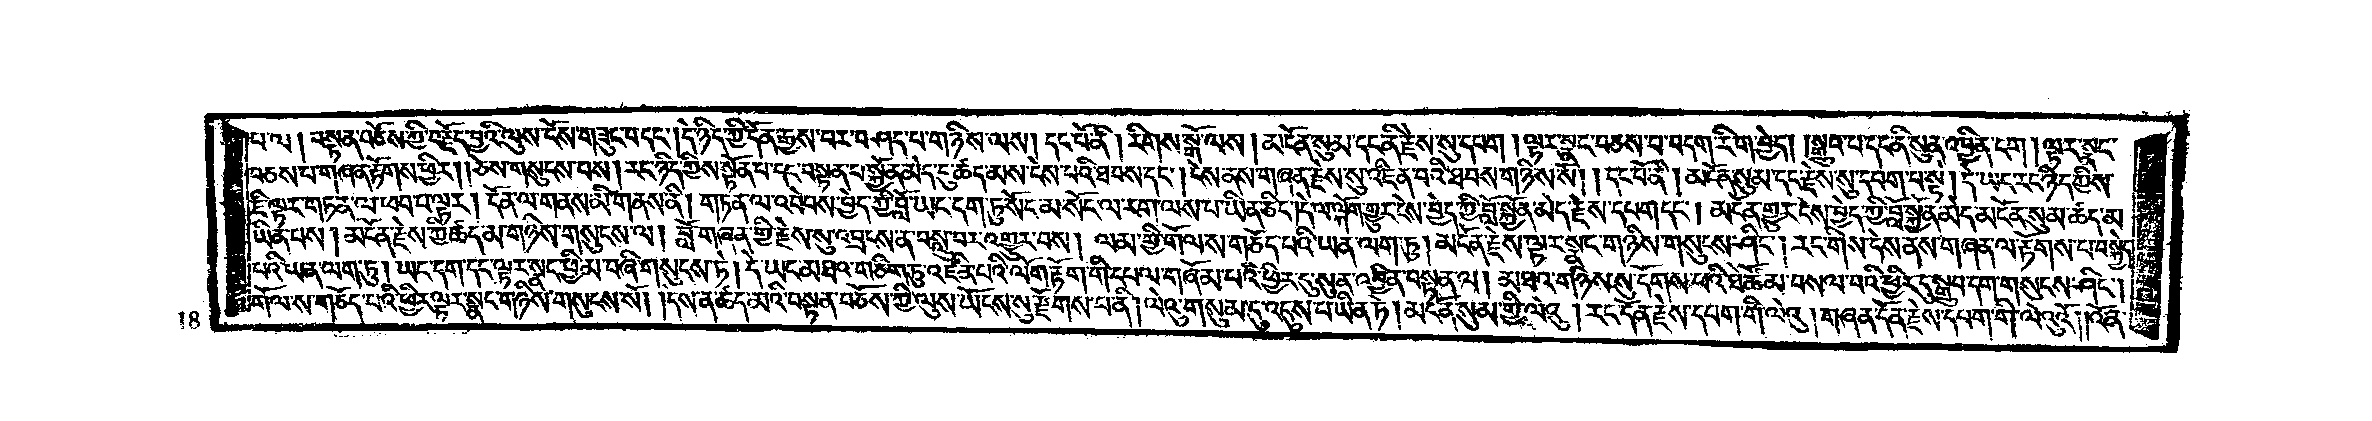པ་ལ། བསྟན་བཅོས་ཀྱི་བརྗོད་བྱའི་ལུས་ངོས་གཟུང་བ་དང་། དེ་ཉིད་ཀྱི་དོན་རྒྱས་པར་བཤད་པ་གཉིས་ལས། དང་པོ་ནི། རིགས་སྒོ་ལས། མངོན་སུམ་དང་ནི་རྗེས་སུ་དཔག །ལྟར་སྣང་བཅས་པ་བདག་རིག་བྱེད། །སྒྲུབ་པ་དང་ནི་སུན་འབྱིན་ངག །ལྟར་སྣང་
བཅས་པ་གཞན་རྟོགས་ཕྱིར། །ཅེས་གསུངས་པས། རང་ཉིད་ཀྱིས་སྟོན་པ་དང་བསྟན་པ་སྐྱོན་མེད་དུ་ཚད་མས་ངེས་པའི་ཐབས་དང་། ངེས་ནས་གཞན་རྗེས་སུ་འཛིན་པའི་ཐབས་གཉིས་སོ། །དང་པོ་ནི། མངོན་སུམ་དང་རྗེས་སུ་དཔག་པ་སྟེ། དེ་ཡང་རང་ཉིད་ཀྱིས་
ཇི་ལྟར་གཏན་ལ་ཕབ་པ་ལྟར། དོན་ལ་གནས་མི་གནས་ནི། གཏན་ལ་འབེབས་བྱེད་ཀྱི་བློ་ཡང་དག་ཏུ་སོང་མ་སོང་ལ་རག་ལས་པ་ཡིན་ཅིང་། དེ་ལ་ལྐོག་གྱུར་ངེས་བྱེད་ཀྱི་བློ་སྐྱོན་མེད་རྗེས་དཔག་དང་། མངོན་གྱུར་ངེས་བྱེད་ཀྱི་བློ་སྐྱོན་མེད་མངོན་སུམ་ཚད་མ་
ཡིན་པས། མངོན་རྗེས་ཀྱི་ཚད་མ་གཉིས་གསུངས་ལ། བློ་གཞན་གྱི་རྗེས་སུ་འབྲངས་ན་བསླུ་བར་འགྱུར་བས། ལམ་གྱི་གོལ་ས་གཅོད་པའི་ཡན་ལག་ཏུ། མངོན་རྗེས་ལྟར་སྣང་གཉིས་གསུངས་ཤིང་། རང་གིས་དེས་ནས་གཞན་ལ་རྟོགས་པ་བསྐྱེད་
པའི་ཡན་ལག་ཏུ། ཡང་དག་དང་ལྟར་སྣང་ཕྱི་མ་བཞི་གསུངས་ཏེ། དེ་ཡང་མཐའ་གཅིག་ཏུ་འཛིན་པའི་ལོག་རྟོག་གི་དཔལ་གཞོམ་པའི་ཕྱིར་དུ་སུན་འབྱིན་བསྟན་ལ། མཐའ་གཉིས་སུ་དོགས་པའི་ཐེ་ཚོམ་བསལ་བའི་ཕྱིར་དུ་སྒྲུབ་དག་གསུངས་ཤིང་།
གོལ་ས་གཅོད་པའི་ཕྱིར་ལྟར་སྣང་གཉིས་གསུངས་སོ། །དེས་ན་ཚད་མའི་བསྟན་བཅོས་ཀྱི་ལུས་ཡོངས་སུ་རྫོགས་པ་ནི། ལེའུ་གསུམ་དུ་འདུས་པ་ཡིན་ཏེ། མངོན་སུམ་གྱི་ལེའུ། རང་དོན་རྗེས་དཔག་གི་ལེའུ། གཞན་དོན་རྗེས་དཔག་གི་ལེའུའོ། །འོ་ན་